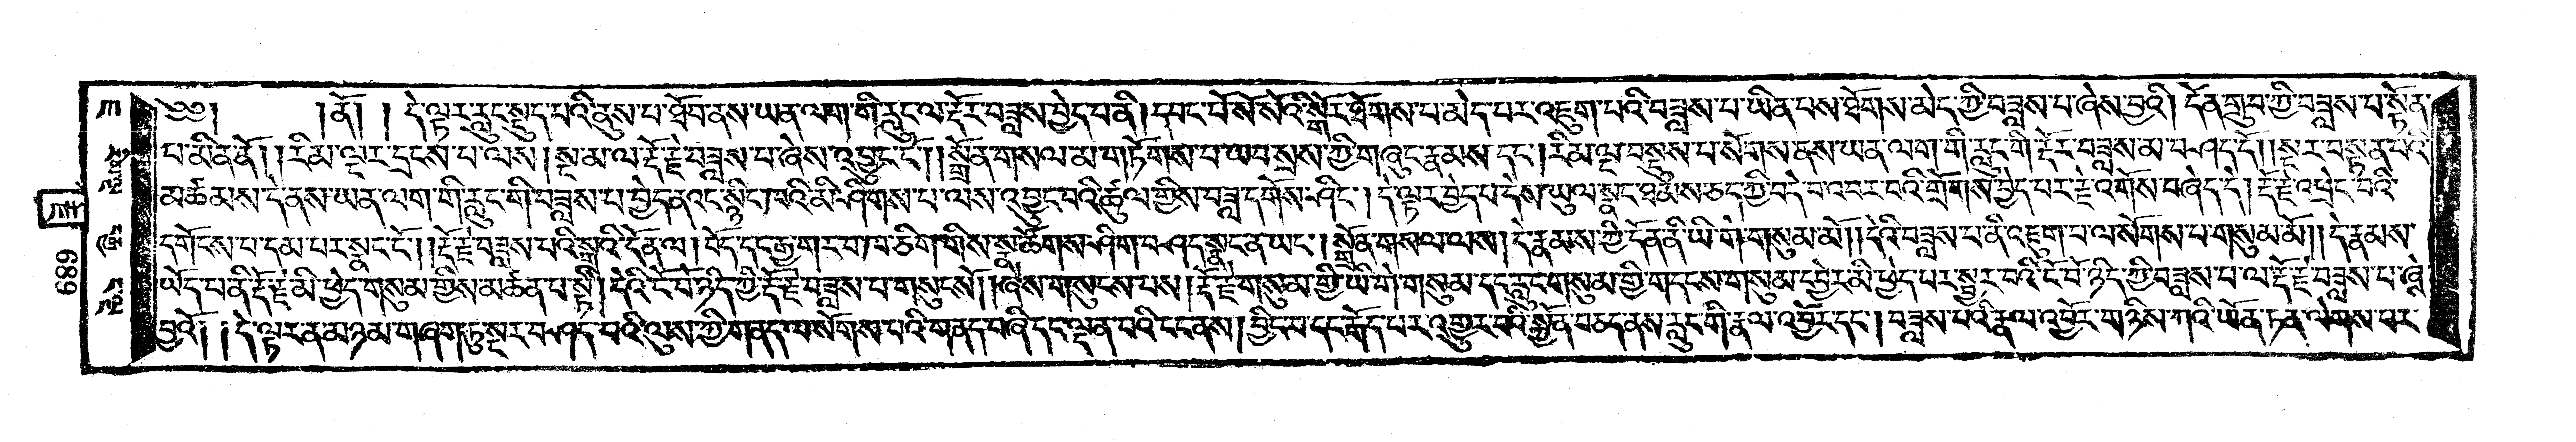༄༅། །ནོ། །དེ་ལྟར་རླུང་སྡུད་པའི་ནུས་པ་ཐོབ་ནས་ཡན་ལག་གི་རླུང་ལ་རྡོར་བཟླས་བྱེད་པ་ནི། དབང་པོ་སོ་སོའི་སྒོར་ཐོགས་པ་མེད་པར་འཇུག་པའི་བཟླས་པ་ཡིན་པས་ཐོགས་མེད་ཀྱི་བཟླས་པ་ཞེས་བྱའི། དོན་གྲུབ་ཀྱི་བཟླས་པ་སྟོན་
པ་མིན་ནོ། །རིམ་ལྔར་དྲངས་པ་ལས། སྔ་མ་ལ་རྡོ་རྗེ་བཟླས་པ་ཞེས་འབྱུང་ངོ། །སྒྲོན་གསལ་མ་གཏོགས་པ་ཡབ་སྲས་ཀྱི་གཞུང་རྣམས་དང་། རིམ་ལྔ་བསྡུས་པ་སོགས་ནས་ཡན་ལག་གི་རླུང་གི་རྡོར་བཟླས་མ་བཤད་དོ། །སྔར་བསྟན་པའི་
མཚམས་དེ་ནས་ཡན་ལག་གི་རླུང་གི་བཟླས་པ་བྱེད་ནའང་སྙིང་ཁའི་མི་ཤིགས་པ་ལས་འབྱུང་བའི་ཚུལ་གྱིས་བཟླ་དགོས་ཤིང་། དེ་ལྟར་བྱེད་པ་དེས་ཡུལ་སྣང་ཐམས་ཅད་ཀྱི་བདེ་བ་འབར་བའི་གྲོགས་བྱེད་པར་རྗེ་འགོས་བཞེད་དེ། རྡོ་རྗེ་འཕྲེང་བའི་
དགོངས་པ་དམ་པར་སྣང་ངོ། །རྡོ་རྗེ་བཟླས་པའི་སྒྲའི་དོན་ལ། བོད་དང་རྒྱ་གར་བ་ཁ་ཅིག་གིས་སྣ་ཚོགས་ཤིག་བཤད་སྣང་ན་ཡང་། སྒྲོན་གསལ་ལས། དེ་རྣམས་ཀྱི་དོན་ནི་ཡི་གེ་གསུམ་མོ། །དེའི་བཟླས་པ་ནི་འཇུག་པ་ལ་སོགས་པ་གསུམ་མོ། །དེ་རྣམས་
ཡོད་པ་ནི་རྡོ་རྗེ་མི་ཕྱེད་གསུམ་གྱིས་མཚན་པ་སྟེ། དེའི་ངོ་བོ་ཉིད་ཀྱི་རྡོ་རྗེ་བཟླས་པ་གསུངས་སོ། །ཞེས་གསུངས་པས། རྡོ་རྗེ་གསུམ་གྱི་ཡི་གེ་གསུམ་དང་རླུང་གསུམ་གྱི་གདངས་གསུམ་དབྱེར་མི་ཕྱེད་པར་སྦྱར་བའི་ངོ་བོ་ཉིད་ཀྱི་བཟླས་པ་ལ་རྡོ་རྗེ་བཟླས་པ་ཞེས་
བྱའོ། །དེ་ལྟར་ན་མཉམ་གཞག་ཏུ་སྔར་བཤད་པའི་ལུས་ཀྱི་གནད་ལ་སོགས་པའི་གནད་བཞི་དང་ལྡན་པའི་ངང་ནས། བྱིང་བ་དང་རྒོད་པར་འགྱུར་བའི་སྐྱོན་བཅད་ནས་རླུང་གི་རྣལ་འབྱོར་དང་། བཟླས་པའི་རྣལ་འབྱོར་གཉིས་ཀའི་ཡོན་ཏན་ལེགས་པར་